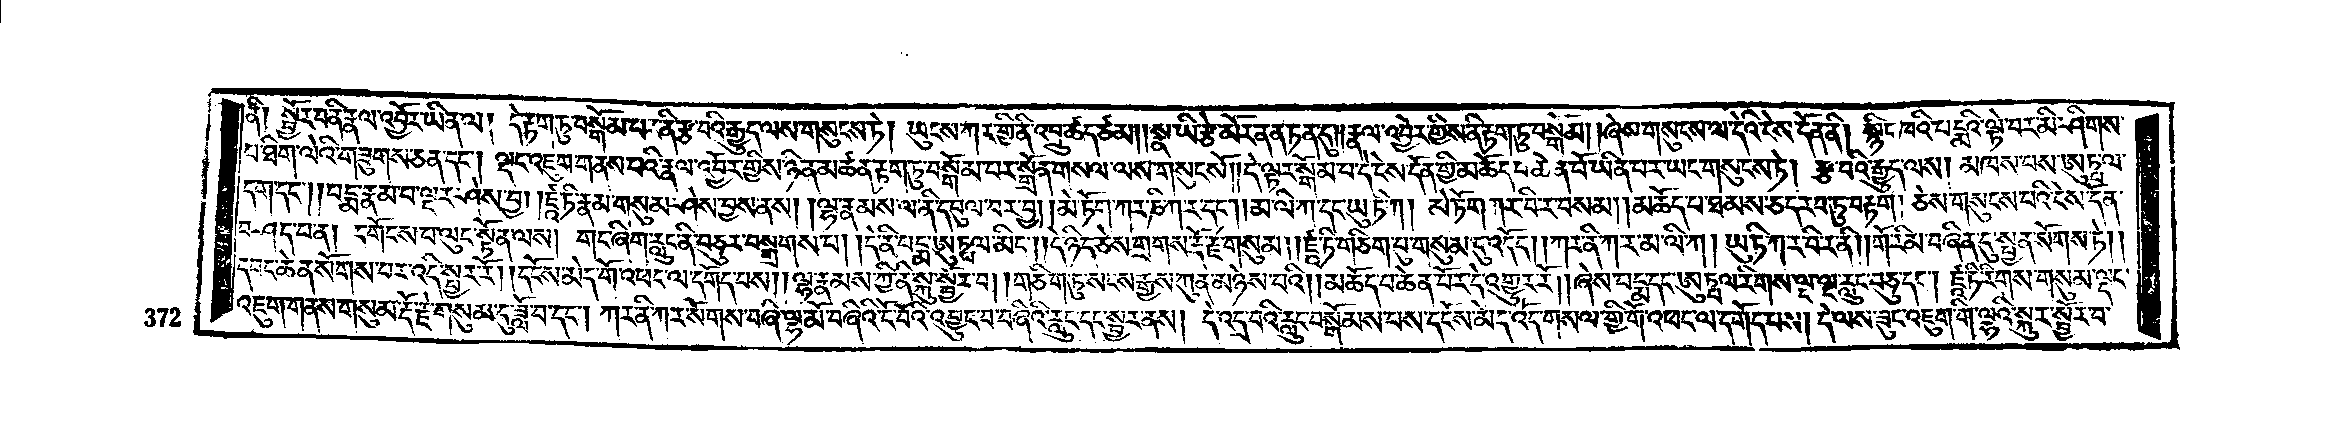ནི། སྦྱོར་བ་ནི་རྣལ་འབྱོར་ཡིན་ལ། དེ་རྟག་ཏུ་བསྒོམ་པར་ནི་རྩ་བའི་རྒྱུད་ལས་གསུངས་ཏེ། ཡུངས་ཀར་གྱི་ནི་འབྲུ་ཚད་ཙམ། །སྣ་ཡི་རྩེ་མོར་ནན་ཏན་དུ། །རྣལ་འབྱོར་གྱིས་ནི་རྟག་ཏུ་བསྒོམ། །ཞེས་གསུངས་ལ་དེའི་ངེས་དོན་ནི། སྙིང་ཁའི་པདམའི་ལྟེ་བར་མི་ཤིགས་
པ་ཐིག་ལེའི་གཟུགས་ཅན་དང་། ལྡང་འཇུག་གནས་པའི་རྣལ་འབྱོར་གྱིས་ཉིན་མཚན་རྟག་ཏུ་བསྒོམ་པར་སྒྲོན་གསལ་ལས་གསུངས་སོ། །དེ་ལྟར་སྒོམ་པ་དེ་ངེས་དོན་གྱི་མཆོད་པ་ཆེན་པོ་ཡིན་པར་ཡང་གསུངས་ཏེ། རྩ་བའི་རྒྱུད་ལས། མཁས་པས་ཨུཏྤ་ལ་
དག་དང་། །པདམ་རྣམ་པ་ལྔར་ཤེས་བྱ། །ཛཱ་ཏི་རྣམ་གསུམ་ཤེས་བྱས་ནས། །ལྷ་རྣམས་ལ་ནི་དབུལ་བར་བྱ། །མེ་ཏོག་ཀར་ཎི་ཀ་ར་དང་། །མ་ལི་ཀ་དང་ཡུ་ཏི་ཀ། མེ་ཏོག་ཀ་ར་བི་ར་བསམ། །མཆོད་པ་ཐམས་ཅད་རབ་ཏུ་བརྟག །ཅེས་གསུངས་པའི་ངེས་དོན་
བཤད་པ་ན། དགོངས་པ་ལུང་སྟོན་ལས། གང་ཞིག་རླུང་ནི་བཅུར་བསྒྲགས་པ། །དེ་ནི་པདམ་ཨུཏྤལ་མིང་། །དེ་ཉིད་ཅེས་གྲགས་རྡོ་རྗེ་གསུམ། །ཛཱ་ཏི་གཅིག་པུ་གསུམ་དུ་འདོད། །ཀར་ནི་ཀ་ར་མ་ལི་ཀ། ཡུ་ཏི་ཀ་ར་བི་ར་ནི། །གོ་རིམ་བཞིན་དུ་སྤྱན་སོགས་ཏེ། །
དབང་ཆེན་སོགས་པར་འདི་སྦྱར་རོ། །དངོས་མེད་གོ་འཕང་ལ་དགོད་པས། །ལྷ་རྣམས་ཀྱི་ནི་སྐུ་སྦྱོར་བ། །གཅིག་ཏུ་སངས་རྒྱས་ཀུན་མཉེས་པའི། །མཆོད་པ་ཆེན་པོར་དེ་འགྱུར་རོ། །ཞེས་པདམ་དང་ཨུཏྤལ་རིགས་ལྔ་ལྔ་རླུང་བཅུ་དང་། ཛཱ་ཏི་རིགས་གསུམ་ལྡང་
འཇུག་གནས་གསུམ་རྡོ་རྗེ་གསུམ་དུ་ཟློ་བ་དང་། ཀར་ནི་ཀར་སོགས་བཞི་ལྷ་མོ་བཞིའི་ངོ་བོའི་འབྱུང་བ་བཞིའི་རླུང་དང་སྦྱར་ནས། དེ་འདྲ་བའི་རླུང་བསྒོམས་པས་དངོས་མེད་འོད་གསལ་གྱི་གོ་འཕང་ལ་དགོད་པས། དེ་ལས་ཟུང་འཇུག་གི་ལྷའི་སྐུར་སྦྱོར་བ་